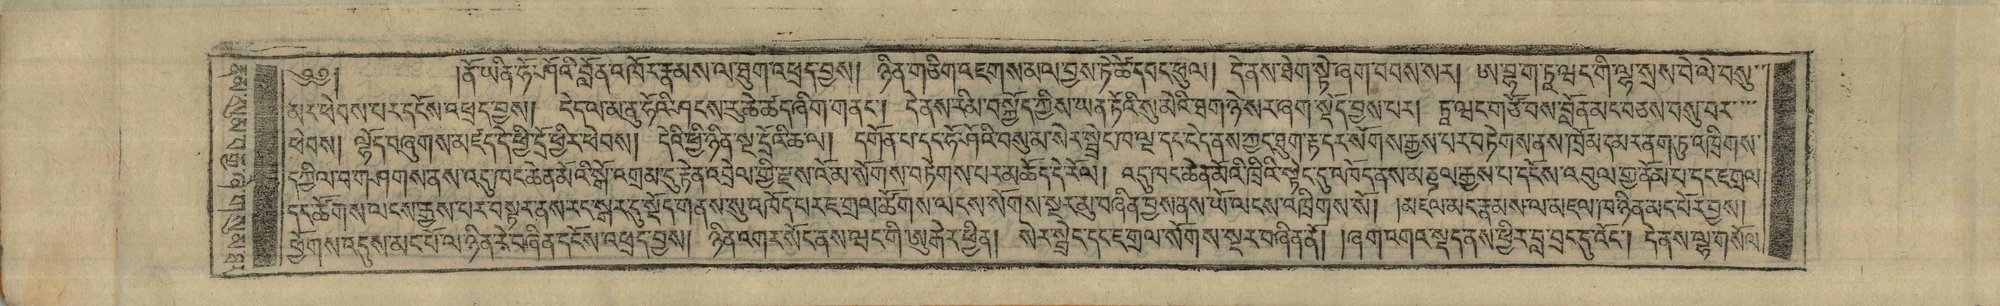༄༅། །ནོ་ཡིན་ཧོ་ཤོའི་བློན་འཁོར་རྣམས་ལ་ཐུག་འཕྲད་བྱས། ཉིན་གཅིག་འཇགས་མལ་བྱས་ཏེ་ཚེ་དབང་ཕུལ། དེ་ནས་ཐེག་སྟེ་ཞག་བབས་སར། ཨ་བྷ་ག་ཏཱ་ཝང་གི་ལྷ་སྲས་བེ་ལེ་བསུ་
མར་ཕེབས་པར་དངོས་འཕྲད་བྱས། ངེད་ལ་མ་ནུ་ཧོའི་ཤངས་རུ་ཆེ་ཚད་ཞིག་གནང་། དེ་ནས་རིམ་བསྐྱོད་ཀྱིས་ཡན་ཏོའི་སུ་མེའི་ཐག་ཉེ་སར་ཞག་སྡོད་བྱས་པར། ཏཱ་ཝང་གཙོ་བས་བློན་མང་བཅས་བསུ་བར་
ཕེབས། ལྷོད་བཞུགས་མཛད་དེ་ཕྱི་དྲོ་ཕྱིར་ཕེབས། དེའི་ཕྱི་ཉིན་སྔ་དྲོའི་ཆ་ལ། དགོན་པ་དང་ཧོ་ཤོའི་བསུ་མ་སེར་སྦྲེང་ཁ་ལྔ་དང་ངེད་ནས་ཀྱང་ཐུག་རྟ་དར་སོགས་རྒྱས་པར་བཏེགས་ནས་ཁྲོམ་དམར་ནག་ཏུ་འཁྲིགས་
དཀྱིལ་བ་གཤགས་ནས་འདུ་ཁང་ཆེན་མོའི་སྒོ་འགྲམ་དུ་རྟེན་འབྲེལ་གྱི་རྫས་འོ་མ་སོགས་བཏེགས་པར་མཆོད་དེ་རོལ། འདུ་ཁང་ཆེན་མོའི་ཁྲིའི་སྟེང་དུ་འཁོད་ནས་མཎྜལ་རྒྱས་པ་དངོས་འབུལ་གྱ་ནོམ་པ་དང་ཇ་གྲལ་
དང་ཚོགས་ལངས་རྒྱས་པར་བསྟར་ནས་རང་སྒར་དུ་སྡོད་གནས་སུ་འཁོད་པར་ཇ་གྲལ་ཚོགས་ལངས་སོགས་སྔར་མུ་བཞིན་བྱས་ནས་ཡོ་ལངས་འཁྲིགས་སོ། །མཇལ་མང་རྣམས་ལ་མཇལ་ཁ་ཉིན་མང་པོར་བྱས།
ཕྱོགས་འདུས་མང་པོ་ལ་ཉིན་རེ་བཞིན་དངོས་འཕྲད་བྱས། ཉིན་འགར་སོང་ནས་ཝང་གི་ཨུ་རྒེར་ཕྱིན། སེར་སྦྲེང་དང་ཇ་གྲལ་སོགས་སྔར་བཞིན་ནོ། །ཞག་འགའ་སྡད་ནས་ཕྱིར་བླ་བྲང་དུ་འོང་། དེ་ནས་ལྷ་གསོལ་